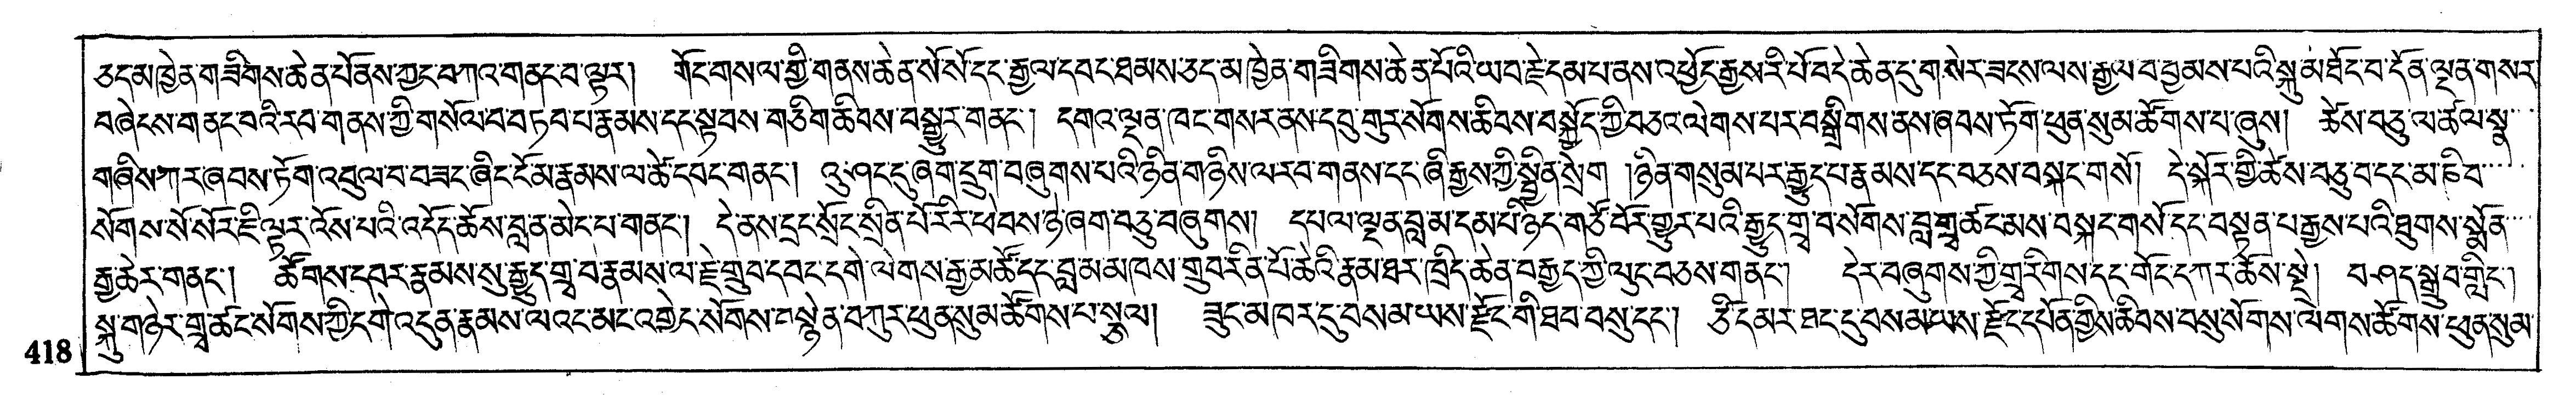ཅད་མཁྱེན་གཟིགས་ཆེན་པོ་ནས་ཀྱང་བཀའ་གནང་བ་ལྟར། གོང་གསལ་གྱི་གནས་ཆེན་སོ་སོ་དང་རྒྱལ་དབང་ཐམས་ཅད་མཁྱེན་གཟིགས་ཆེན་པོའི་ཡབ་རྗེ་དམ་པ་ནས་འཕྱོང་རྒྱས་རི་བོ་བདེ་ཆེན་དུ་གསེར་ཟངས་ལས་རྒྱལ་བ་བྱམས་པའི་སྐུ་མཐོང་བ་དོན་ལྡན་གསར་
བཞེངས་གནང་བའི་རབ་གནས་ཀྱི་གསོལ་བ་བཏབ་པ་རྣམས་དང་སྟབས་གཅིག་ཆིབས་བསྒྱུར་གནང་། དགའ་ལྡན་ཁང་གསར་ནས་དབུ་གུར་སོགས་ཆིབས་བསྐྱོད་ཀྱི་བཅའ་ལེགས་པར་བསྒྲིགས་ནས་ཞབས་ཏོག་ཕུན་སུམ་ཚོགས་པ་ཞུས། ཚེས་བཅུ་ལ་ཚལ་སྣ་
གཞིས་ཀར་ཞབས་ཏོག་འབུལ་བ་བཟང་ཞིང་ངོ་མ་རྣམས་ལ་ཚེ་དབང་གནང་། འུ་ཤང་དུ་ཞག་དྲུག་བཞུགས་པའི་ཉིན་གཉིས་ལ་རབ་གནས་དང་ཞི་རྒྱས་ཀྱི་སྦྱིན་སྲེག །ཉིན་གསུམ་པར་རྒྱུད་པ་རྣམས་དང་བཅས་བསྐང་གསོ། དེ་སྐོར་གྱི་ཚེས་བཅུ་བ་དང་མ་ཎི་བ་
སོགས་སོ་སོར་ཇི་ལྟར་འོས་པའི་འདོད་ཆོས་བླ་ན་མེད་པ་གནང་། དེ་ནས་དྲང་སྲོང་སྲིན་པོ་རིར་ཕེབས་ཏེ་ཞག་བཅུ་བཞུགས། དཔལ་ལྡན་བླ་མ་དམ་པ་ཉིད་གཙོ་བོར་གྱུར་པའི་རྒྱུད་གྲྭ་པ་སོགས་བླ་གྲྭ་ཚང་མས་བསྐང་གསོ་དང་བསྟན་པ་རྒྱས་པའི་ཐུས་སྨོན་
རྒྱ་ཆེར་གནང་། ཚོགས་དབར་རྣམས་སུ་རྒྱུད་གྲྭ་པ་རྣམས་ལ་རྗེ་གྲུབ་དབང་དགེ་ལེགས་རྒྱ་མཚོ་དང་བླ་མ་མཁས་གྲུབ་རིན་པོ་ཆེའི་རྣམ་མཐར་ཁྲིད་ཆེན་བརྒྱད་ཀྱི་ལུང་བཅས་གནང་། དེར་བཞུགས་ཀྱི་གྲྭ་རིགས་དང་གོང་དཀར་ཆོས་སྡེ། བཤད་སྒྲུབ་གླིང་།
སྐུ་གཉེར་གྲྭ་ཚང་སོགས་ཀྱི་དགེ་འདུན་རྣམས་ལའང་མང་འགྱེད་སོགས་བསྙེན་བཀུར་ཕུན་སུམ་ཚོགས་པ་སྩལ། ཟུང་མཁར་དུ་བསམ་ཡས་རྫོང་གི་ཐབ་བསུ་དང་། རྩི་དམར་ཐང་དུ་བསམ་ཡས་རྫོང་དབོན་གྱིས་ཆིབས་བསུ་སོགས་ལེགས་ཚོགས་ཕུན་སུམ་